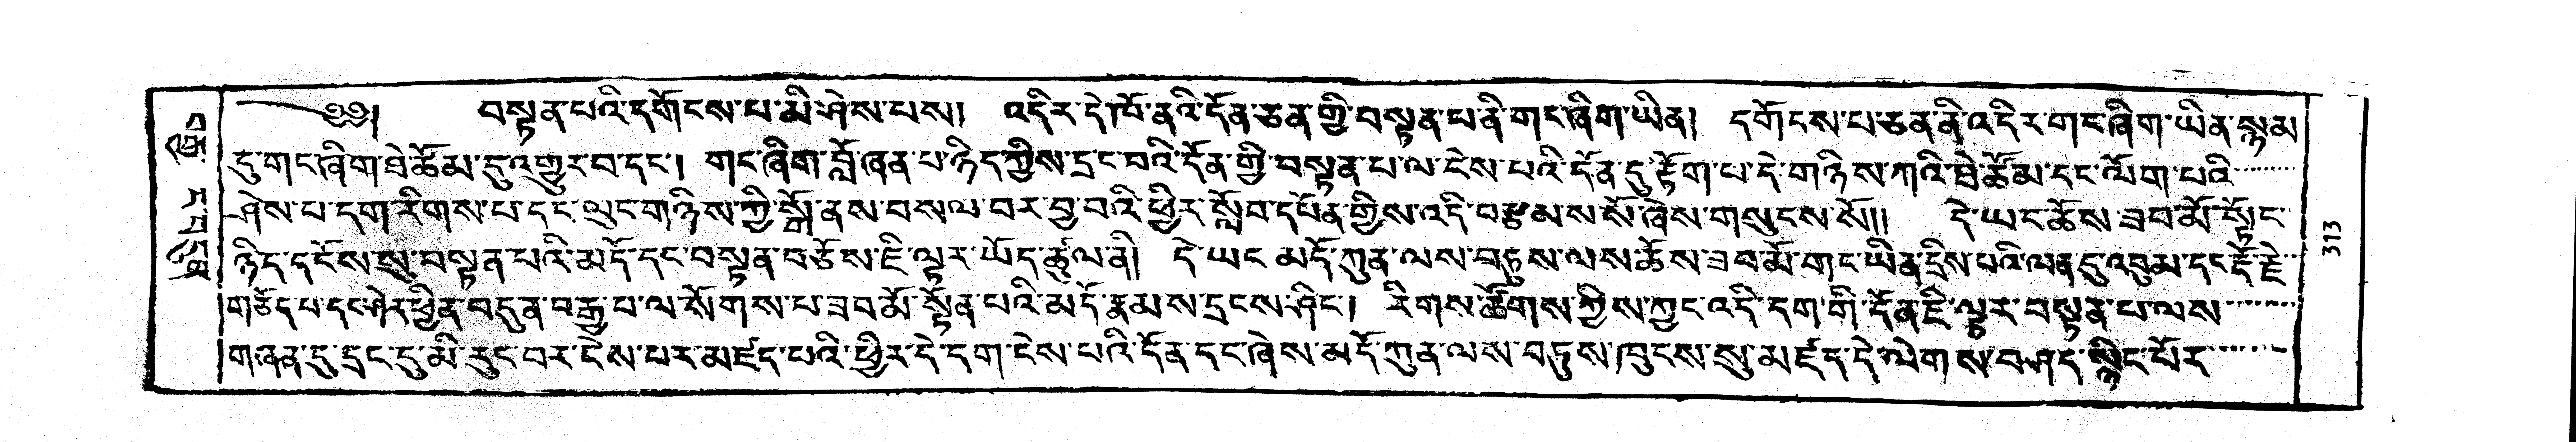༄༅། །བསྟན་པའི་དགོངས་པ་མི་ཤེས་པས། འདིར་དེ་ཁོ་ནའི་དོན་ཅན་གྱི་བསྟན་པ་ནི་གང་ཞིག་ཡིན། དགོངས་པ་ཅན་ནི་འདིར་གང་ཞིག་ཡིན་སྙམ་
དུ་གང་ཞིག་ཐེ་ཚོམ་དུ་འགྱུར་བ་དང་། གང་ཞིག་བློ་ཞན་པ་ཉིད་ཀྱིས་དྲང་བའི་དོན་གྱི་བསྟན་པ་ལ་ངེས་པའི་དོན་དུ་རྟོག་པ་དེ་གཉིས་ཀའི་ཐེ་ཚོམ་དང་ལོག་པའི་
ཤེས་པ་དག་རིགས་པ་དང་ལུང་གཉིས་ཀྱི་སྒོ་ནས་བསལ་བར་བྱ་བའི་ཕྱིར་སློབ་དཔོན་གྱིས་འདི་བརྩམས་སོ་ཞེས་གསུངས་སོ། །དེ་ཡང་ཆོས་ཟབ་མོ་སྟོང་
ཉིད་དངོས་སུ་བསྟན་པའི་མདོ་དང་བསྟན་བཅོས་ཇི་ལྟར་ཡོད་ཚུལ་ནི། དེ་ཡང་མདོ་ཀུན་ལས་བཏུས་ལས་ཆོས་ཟབ་མོ་གང་ཡིན་དྲིས་པའི་ལན་དུ་འབུམ་དང་རྡོ་རྗེ་
གཅོད་པ་དང་ཤེར་ཕྱིན་བདུན་བརྒྱ་བ་ལ་སོགས་པ་ཟབ་མོ་སྟོན་པའི་མདོ་རྣམས་དྲངས་ཤིང་། རིགས་ཚོགས་ཀྱིས་ཀྱང་འདི་དག་གི་དོན་ཇི་ལྟར་བསྟན་པ་ལས་
གཞན་དུ་དྲང་དུ་མི་རུང་བར་ངེས་པར་མཛད་པའི་ཕྱིར་དེ་དག་ངེས་པའི་དོན་དང་ཞེས་མདོ་ཀུན་ལས་བཏུས་ཁུངས་སུ་མཛད་དེ་ལེགས་བཤད་སྙིང་པོར་